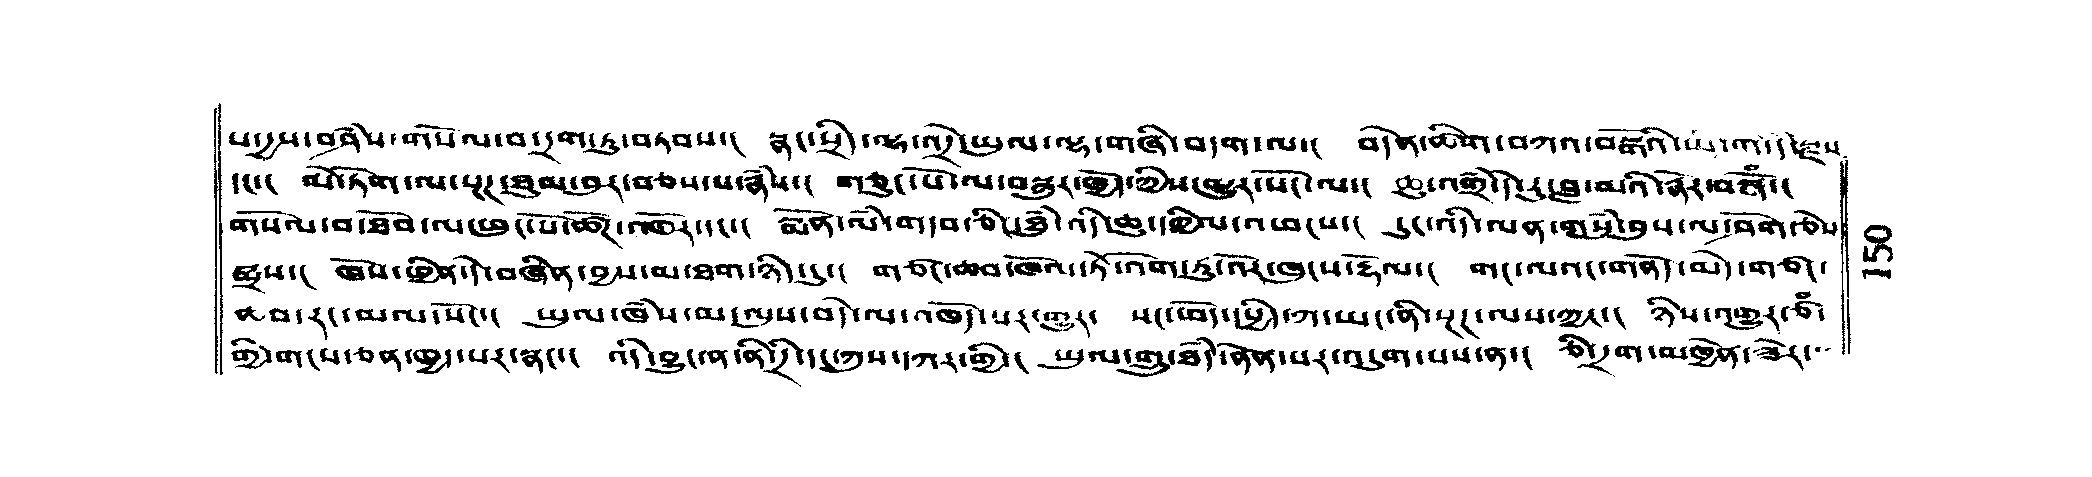པ་རྒྱས་བཤམས་གསོལ་བ་དྲག་ཏུ་བཏབས། །སྣང་སྲིད་ལྷ་འདྲེ་ཡུལ་ལྷ་གཞི་བདག་ལ། །བདེན་ཚིག་བཀའ་བསྒོའི་ཡི་གེ་དམ་རྫས་
དང་། །མེ་ཏོག་ལ་སྔགས་ཐུམ་བུར་བཅས་པ་རྣམས། །གཅུང་པོ་ལ་བསྐུར་ཁྱོད་ཀྱིས་མྱུར་སོང་ལ། །ཆུ་འགྲམ་དེ་རུ་བླ་མའི་རྣལ་འབྱོར་བསྒོམ། །
གསོལ་བ་ཐོབ་ལ་ཕུང་པོ་ཚོགས་འཁོར་དང་། །སྨོན་ལམ་གདབ་ཅིང་ཐུམ་འདི་ཆུ་དཀྱིལ་འཕངས། །དུང་འདི་ལན་གསུམ་བུས་ལ་ཤོག་ཅེས་
སྨྲས། །ཁོས་ཕྱིན་དེ་བཞིན་བྱས་མ་ཐག་ཉིད་དུ། །གཙང་ཆབ་ཁོལ་ཏེ་འོག་ཏུ་འོར་ཁུངས་རྡོལ། །གང་ལའང་གནོད་མེད་གཙང་
ཆབ་རང་མལ་སོང་། །ཡུལ་ཁམས་མ་ལུས་བདེ་ལ་འཁོད་པར་གྱུར། །སང་ཕོད་དཔྱིད་ཀ་ཡང་ནི་སྔར་ལས་ཀྱང་། །ཉིས་འགྱུར་ཙམ་
གྱི་གངས་ཅན་ཁྱད་པར་སྣང་། །འདི་བྱུང་ན་ནི་དྲི་དང་ཀུས་དཀར་གྱི། །ཡུལ་གྲུ་ཐམས་ཅད་ནོན་པར་འདུག་པས་ན། །ཅི་དྲག་མཁྱེན་ཟེར་